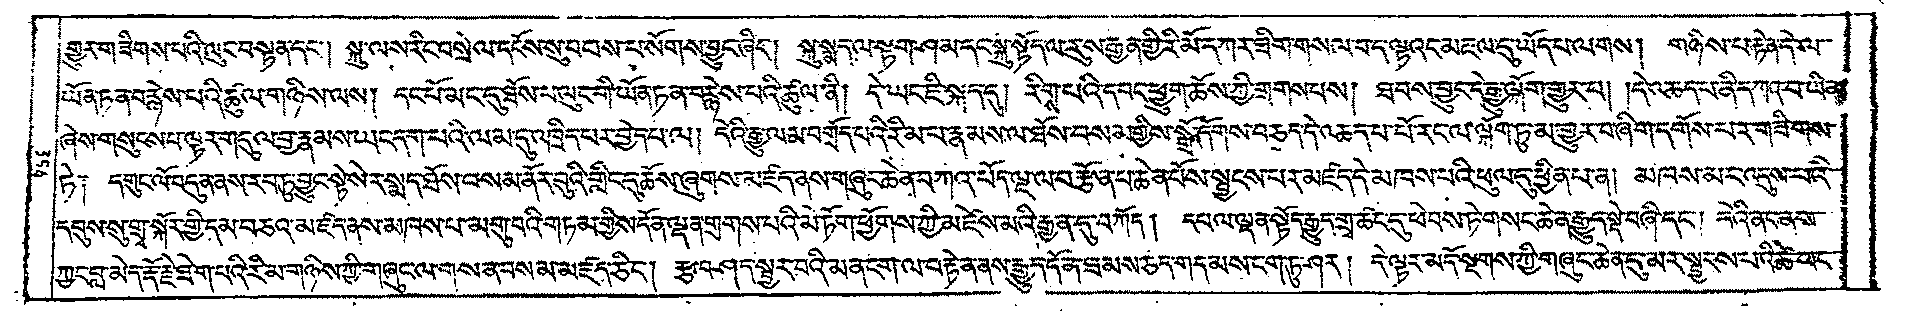གྱུར་གཟིགས་པའི་ལུང་བསྟན་དང་། སྐུ་ལས་རིང་བསྲེལ་དངོས་སུ་བབས་པ་སོགས་བྱུང་ཞིང་། སྐུ་སྨད་ལ་སྟག་ཤམ་དང་སྐུ་སྟོད་ལ་རུས་རྒྱན་གྱི་རི་མོ་དཀར་ཐིག་གསལ་བ་ད་ལྟའང་མཇལ་དུ་ཡོད་པ་ལགས། གཉིས་པ་རྟེན་དེ་ལ་
ཡོན་ཏན་བརྙེས་པའི་ཚུལ་གཉིས་ལས། དང་པོ་མང་དུ་ཐོས་པ་ལུང་གི་ཡོན་ཏན་བརྙེས་པའི་ཚུལ་ནི། དེ་ཡང་ཇི་སྐད་དུ། རིགས་པའི་དབང་ཕྱུག་ཆོས་ཀྱི་གྲགས་པས། ཐབས་བྱུང་དེ་རྒྱུ་ལྐོག་གྱུར་པ། །དེ་འཆད་པ་ནི་དཀའ་བ་ཡིན། །
ཞེས་གསུངས་པ་ལྟར་གདུལ་བྱ་རྣམས་ཡང་དག་པའི་ལམ་དུ་འཁྲིད་པར་བྱེད་པ་ལ། དེའི་རྒྱུ་ལམ་བགྲོད་པའི་རིམ་པ་རྣམས་ལ་ཐོས་བསམ་གྱིས་སྒྲོ་དོགས་བཅད་དེ་འཆད་པ་པོ་རང་ལ་ལྐོག་ཏུ་མ་གྱུར་བ་ཞིག་དགོས་པར་གཟིགས་
ཏེ༑ དགུང་ལོ་བདུན་ནས་རབ་ཏུ་བྱུང་སྟེ་སེར་སྨད་ཐོས་བསམ་ནོར་བུའི་གླིང་དུ་ཆོས་ཞུགས་མཛད་ནས་གཞུང་ཆེན་བཀའ་པོད་ལྔ་ལ་བརྩོན་པ་ཆེན་པོས་སྦྱངས་པར་མཛད་དེ་མཁས་པའི་ཕུལ་དུ་ཕྱིན་པ་ན། མཁས་མང་འདུས་པའི་
དབུས་སུ་གྲྭ་སྐོར་གྱི་དམ་བཅའ་མཛད་ནས་མཁས་པ་མགུ་བའི་གཏམ་གྱིས་དོན་ལྡན་གྲགས་པའི་མེ་ཏོག་ཕྱོགས་ཀྱི་མཛེས་མའི་རྒྱན་དུ་བཀོད། དཔལ་ལྡན་སྟོད་རྒྱུད་གྲྭ་ཚང་དུ་ཕེབས་ཏེ་གསང་ཆེན་རྒྱུད་སྡེ་བཞི་དང་། དེའི་ནང་ནས་
ཀྱང་བླ་མེད་རྡོ་རྗེ་ཐེག་པའི་རིམ་གཉིས་ཀྱི་གཞུང་ལ་གསན་བསམ་མཛད་ཅིང་། རྩ་བཤད་སྦྱར་བའི་མན་ངག་ལ་བརྟེན་ནས་རྒྱུད་དོན་ཐམས་ཅད་གདམས་ངག་ཏུ་ཤར། དེ་ལྟར་མདོ་སྔགས་ཀྱི་གཞུང་ཆེན་དུ་མར་སྦྱངས་པའི་ཚེ་ཡང་